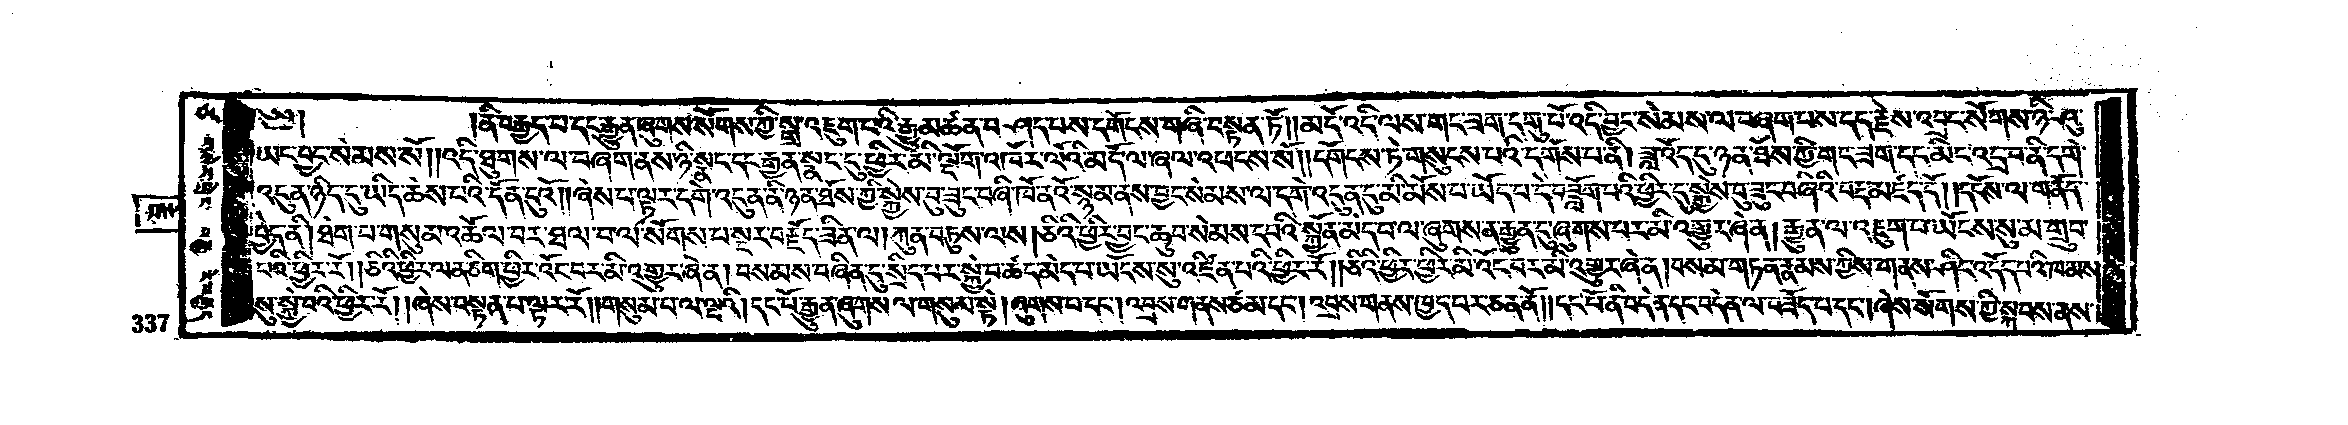༄༅། །ནི་བརྒྱད་པ་དང་རྒྱུན་ཞུགས་སོགས་ཀྱི་སྒྲ་འཇུག་པའི་རྒྱུ་མཚན་བཤད་པས་དགོངས་གཞི་བསྟན་ཏོ། །མདོ་འདི་ལས་གང་ཟག་དགུ་པོ་འདི་བྱང་སེམས་ལ་བཞག་པས་དད་རྗེས་འབྲང་སོགས་ཉི་ཤུ་
ཡང་བྱང་སེམས་སོ། །འདི་ཐུགས་ལ་བཞག་ནས་ཉི་སྣང་དང་རྒྱན་སྣང་དུ་ཕྱིར་མི་ལྡོག་འཁོར་ལོའི་མདོ་ལ་ཞལ་འཕངས་སོ། །དགོངས་ཏེ་གསུངས་པའི་དགོས་པ་ནི། ཟླ་འོད་དུ་ཉན་ཐོས་ཀྱི་གང་ཟག་དང་མིང་འདྲ་བ་ནི་དགེ་
འདུན་ཉིད་དུ་ཡིད་ཆེས་པའི་དོན་དུའོ། །ཞེས་པ་ལྟར་དགེ་འདུན་ནི་ཉན་ཐོས་ཀྱི་སྐྱེས་བུ་ཟུང་བཞི་ཁོ་ནའོ་སྙམ་ནས་བྱང་སེམས་ལ་དགེ་འདུན་དུ་མི་མོས་པ་ཡོད་པ་དེ་བཟློག་པའི་ཕྱིར་དུ་སྐྱེས་བུ་ཟུང་བཞིའི་བརྡ་མཛད་དོ། །དངོས་ལ་གནོད་
བྱེད་ནི། ཐེག་པ་གསུམ་འཚོལ་བར་ཐལ་བ་ལ་སོགས་པ་སྔར་བརྗོད་ཟིན་ལ། ཀུན་བཏུས་ལས། ཅིའི་ཕྱིར་བྱང་ཆུབ་སེམས་དཔའི་སྐྱོན་མེད་པ་ལ་ཞུགས་ན་རྒྱུན་དུ་ཞུགས་པར་མི་འགྱུར་ཞེ་ན། རྒྱུན་ལ་འཇུག་པ་ཡོངས་སུ་མ་གྲུབ་
པའི་ཕྱིར་རོ། །ཅིའི་ཕྱིར་ལན་ཅིག་ཕྱིར་འོང་བར་མི་འགྱུར་ཞེ་ན། བསམས་བཞིན་དུ་སྲིད་པར་སྐྱེ་བ་ཚད་མེད་པ་ཡོངས་སུ་འཛིན་པའི་ཕྱིར་རོ། །ཅིའི་ཕྱིར་ཕྱིར་མི་འོང་བར་མི་འགྱུར་ཞེ་ན། བསམ་གཏན་རྣམས་ཀྱིས་གནས་ཤིང་འདོད་པའི་ཁམས་
སུ་སྐྱེ་བའི་ཕྱིར་རོ། །ཞེས་བསྟན་པ་ལྟར་རོ། །གསུམ་པ་ལ་ལྔའི། དང་པོ་རྒྱུན་ཞུགས་ལ་གསུམ་སྟེ། ཞུགས་པ་དང་། འབྲས་གནས་ཙམ་དང་། འབྲས་གནས་ཁྱད་པར་ཅན་ནོ། །དང་པོ་ནི་བདེན་དང་བདེན་ལ་བཟོད་པ་དང་། ཞེས་སོགས་ཀྱི་སྐབས་ནས་